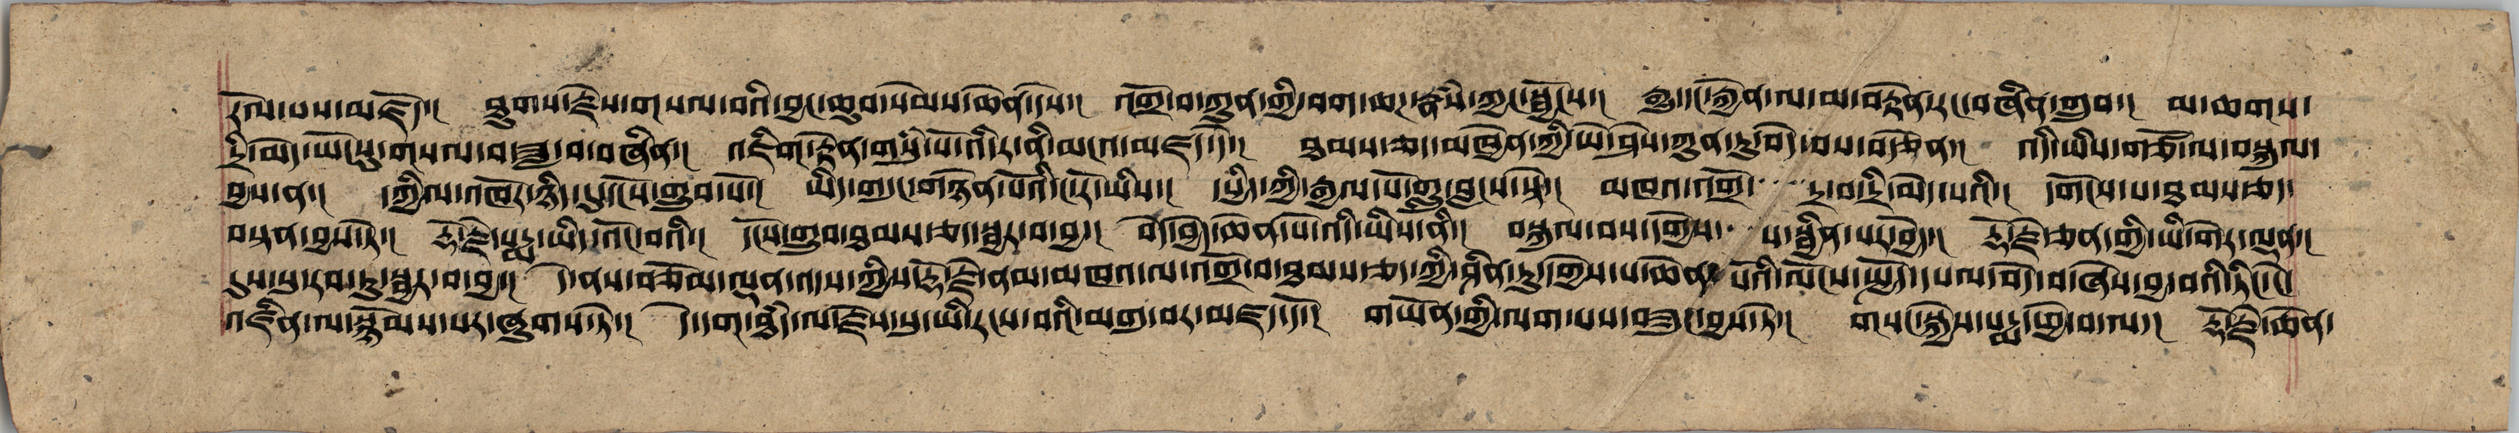རོལ་པས་མཛོད་། ཐུགས་རྗེས་གསལ་བའི་བྱང་ཆུབ་སེམས་ཆེན་དེས་། འགྲོ་བ་ཀུན་གྱི་བག་ཆཌ་རྣཾས་ཀྱང་སྦྱོངས་། རྒྱུ་དང་རྐྱེན་ལ་མ་བརྟེན་རང་བཞིན་གྲུབ་། མ་ཆགས་
དྲི་མེད་ཡོངསུ་གསལ་བ་ཟླ་བ་བཞིན་། འཇིག་རྟེན་གསུཾ་པཽ་འདིར་ནི་མངའ་མཛད་དེ་། ཐམས་ཅན་མཁྱེན་ཀྱི་ཡེ་ཤེས་ཀུན་ཏུ་བདེ་བས་བརྩེན་། འདི་ཡིས་གཙོ་ལ་བསྐུལ་
བྱས་ན་། དཀྱིལ་འཁོར་ཉིད་དུ་དངོས་གྲུབ་སོ་། ཡིད་གདུང་གཉེན་པོའི་ང་རོ་ཡིས་། དཔྱིད་ཀྱི་རྒྱལ་པོ་གླུ་བླངས་སྟེ་། མཁའ་འགྲོ་ དྲ་བ་དྲི་མེད་པའི་། དགོངས་པ་ཐམས་ཅད་
བསྟན་བྱས་ཏེ་། རྡོ་རྗེ་པདྨ་ཡིད་འོང་བའི་། དངོས་གྲུབ་ཐམས་ཅད་སྦྱར་བ་བྱ་། བདེ་བྱེད་ཆེན་པོ་འདི་ཡིས་ནི་། བསྐུལ་བས་དགྱེས་ པ་སྦྱིན་པར་བྱེད་། རྡོ་རྗེ་ཅན་གྱི་ཡི་གེར་ལྡན་།
དུས་སུ་རབ་ཏུ་སྦྱར་བ་བྱ་། དེ་ནས་བཅོམ་ལྡན་འདས་ཀྱིས་རྡོ་རྗེ་ནམ་མཁའ་ལ་འགྲོ་བ་ཐམས་ཅད་ཀྱི་ཤིན་ཏུ་དགྱེས་པ་ཆེན་པོའི་ལོངས་སྤྱོད་དཔལ་བདེ་བ་ཞེས་བྱ་བའི་ཏིང་ངེ
འཛིན་ལ་སྙོམས་པར་ཞུགས་ཏེ་། དེ་དག་ཐཾད་ལ་རྗེས་སུ་ཡི་རངས་བའི་མགུ་བར་མཛད་དོ་། གཡོན་གྱི་ལག་པས་བཟུང་བྱས་ཏེ་། གསང་སྐྱེས་པདྨ་ཕྱེ་བ་ལ་། རྡོ་རྗེ་ཆེན་